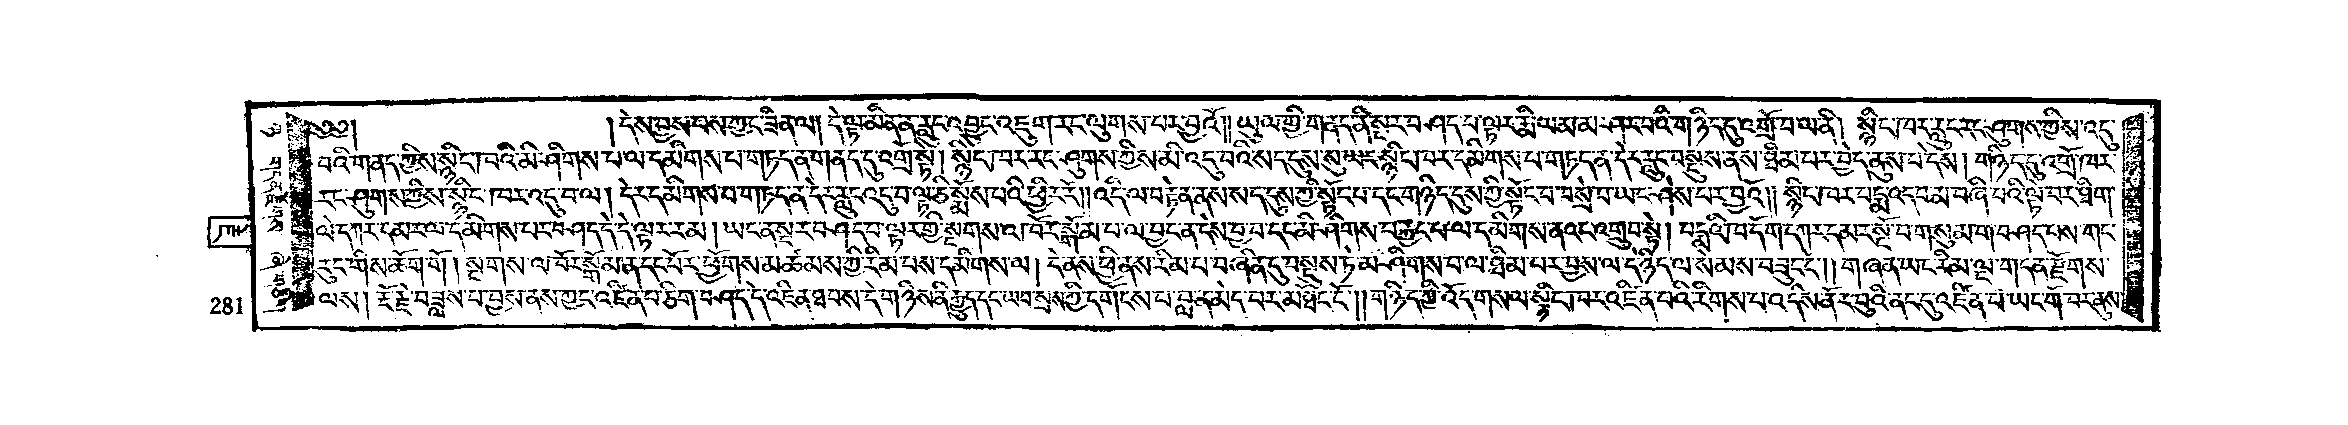༄༅། །དེས་བྱས་པས་ཀྱང་ཟིན་ལ། དེ་ལྟ་མིན་ན་རླུང་འབྱུང་འཇུག་རང་ལུགས་པར་བྱའོ། །ཡུལ་གྱི་གནད་ནི་སྔར་བཤད་པ་ལྟར་རྨི་ལམ་མ་ཤར་བའི་གཉིད་དུ་འགྲོ་བ་ལ་ནི། སྙིང་ཁར་རླུང་རང་ཤུགས་ཀྱིས་འདུ་
བའི་གནད་ཀྱིས་སྙིང་ཁའི་མི་ཤིགས་པ་ལ་དམིགས་པ་གཏད་ན་གནད་དུ་འགྲོ་སྟེ། སྙིང་ཁར་རང་ཤུགས་ཀྱིས་མི་འདུ་བའི་སད་དུས་སུ་ཡང་སྙིང་ཁར་དམིགས་པ་གཏད་ན་དེར་རླུང་བསྡུས་ནས་ཐིམ་པར་བྱེད་ནུས་པ་དེས། གཉིད་དུ་འགྲོ་ཁར་
རང་ཤུགས་ཀྱིས་སྙིང་ཁར་འདུ་བ་ལ། དེར་དམིགས་པ་གཏད་ན་དེར་རླུང་འདུ་བ་ལྟ་ཅི་སྨོས་པའི་ཕྱིར་རོ། །འདི་ལ་བརྟེན་ནས་སད་དུས་ཀྱི་སྟོང་པ་དང་གཉིད་དུས་ཀྱི་སྟོང་པ་བསྲེ་བ་ཡང་ཤེས་པར་བྱའོ། །སྙིང་ཁར་པདམ་འདབ་མ་བཞི་པའི་ལྟེ་བར་ཐིག་
ལེ་དཀར་དམར་ལ་དམིགས་པར་བཤད་དེ་དེ་ལྟར་རམ། ཡང་ན་སྔར་བཤད་པ་ལྟར་གྱི་སྔགས་འཁོར་སྒོམ་པ་ལ་བྱང་ན་དེས་བྱ་བ་དང་མི་ཤིགས་པ་རྐྱང་པ་ལ་དམིགས་ནའང་འགྲུབ་སྟེ། པདམའི་ཁ་དོག་དཀར་དམར་སྔོ་བ་གསུམ་ག་བཤད་པས་གང་
རུང་གིས་ཆོག་གོ །སྔགས་འཁོར་སྒོམ་ན་དང་པོར་ཕྱོགས་མཚམས་ཀྱི་རིམ་པས་དམིགས་ལ། དེ་ནས་ཕྱི་ནས་རིམ་པ་བཞིན་དུ་བསྡུས་ཏེ་མི་ཤིགས་པ་ལ་ཐིམ་པར་བྱས་ལ་དེ་ཉིད་ལ་སེམས་བཟུང་ངོ། །གཞན་ཡང་རིམ་ལྔ་གདན་རྫོགས་
ལས། རྡོ་རྗེ་བཟླས་པ་བྱས་ནས་ཀྱང་འཛིན་པ་ཅིག་བཤད་དེ་འཛིན་ཐབས་དེ་གཉིས་ནི་རྒྱུད་དང་ཡབ་སྲས་ཀྱི་དགོངས་པ་བླ་ན་མེད་པར་མཐོང་ངོ། །གཉིད་ཀྱི་འོད་གསལ་སྙིང་ཁར་འཛིན་པའི་རིགས་པའི་འདིས་ནོར་བུའི་ནང་དུ་འཛིན་པ་ཡང་གོ་བར་ནུས་